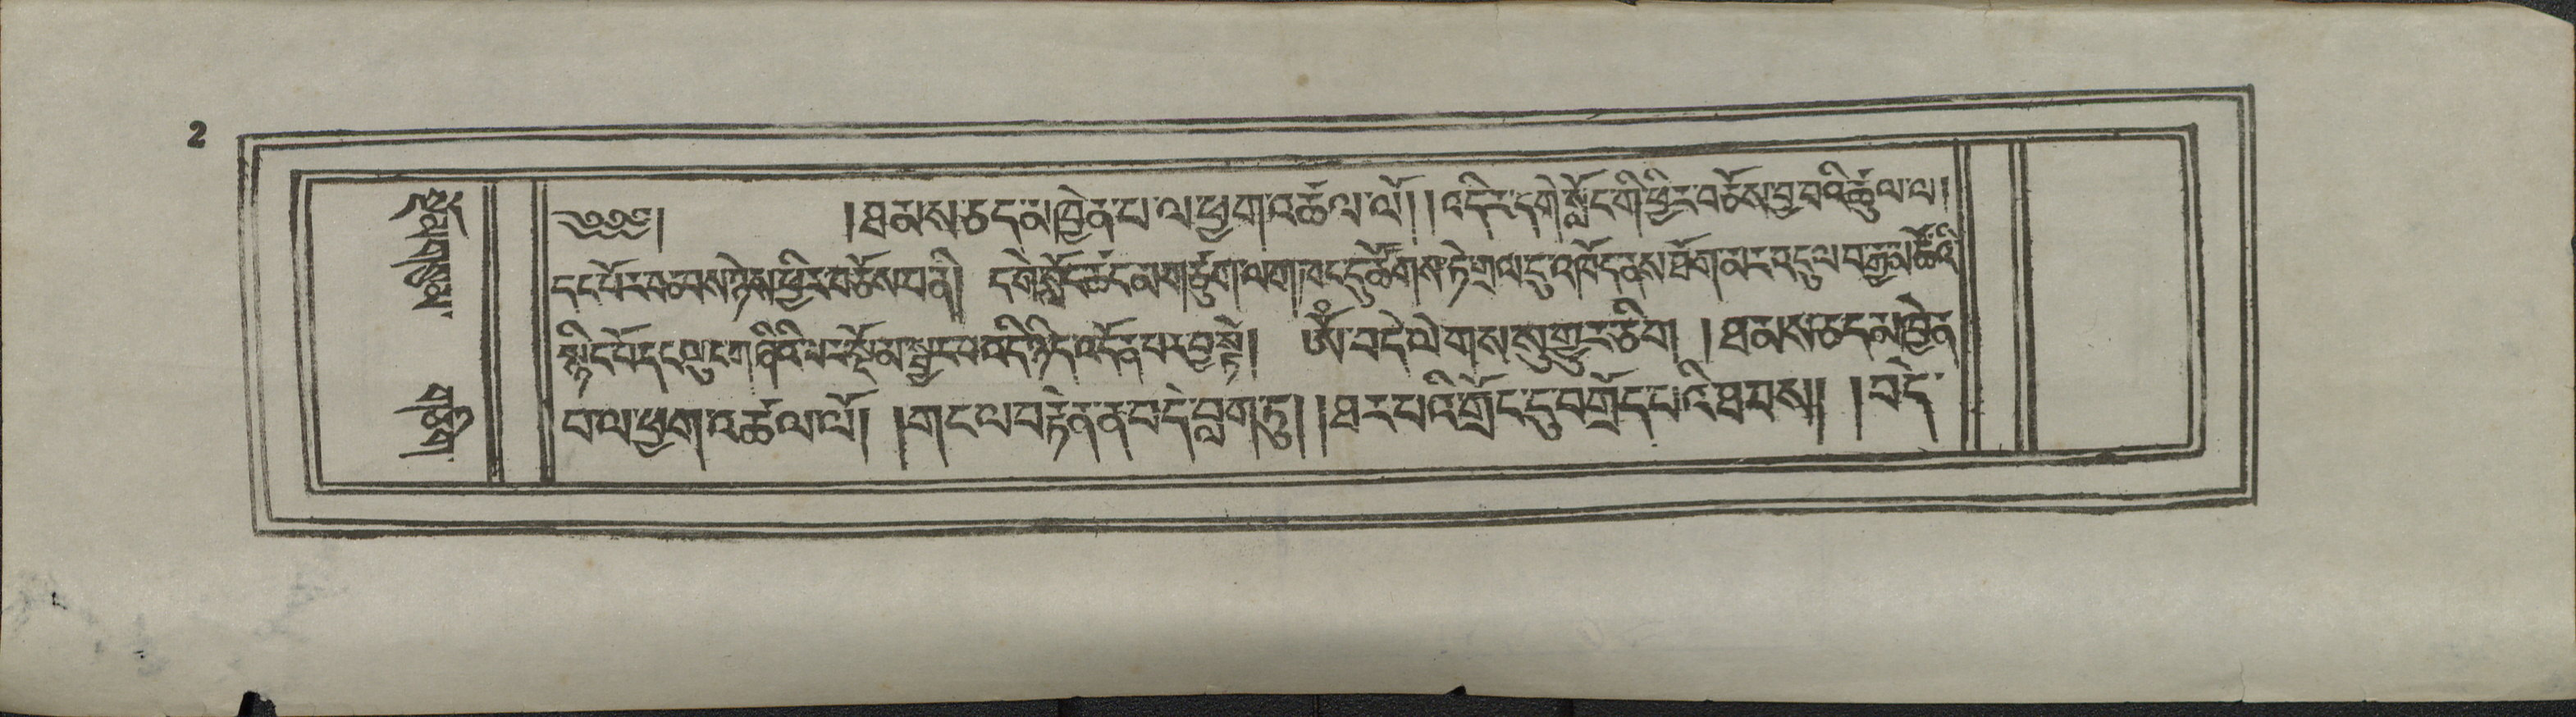༄༅༅། །ཐམས་ཅད་མཁྱེན་པ་ལ་ཕྱག་འཚལ་ལོ། །འདིར་དགེ་སློང་གི་ཕྱིར་བཅོས་བྱ་བའི་ཚུལ་ལ།
དང་པོར་བཅབས་ཉེས་ཕྱིར་བཅོས་པ་ནི། དགེ་སློང་ཚང་མ་གཙུག་ལག་ཁང་དུ་ཚོགས་ཏེ་གྲལ་དུ་འཁོད་ནས་ཐོག་མར་འདུལ་བ་རྒྱ་མཚོའི་
སྙིང་པོ་དང་ལུང་གཞིའི་བར་སྡོམ་སྦྱར་བ་འདི་ཉིད་འདོན་པར་བྱ་སྟེ། ཨོཾ་བདེ་ལེགས་སུ་གྱུར་ཅིག །ཐམས་ཅད་མཁྱེན་
པ་ལ་ཕྱག་འཚལ་ལོ། །གང་ལ་བརྟེན་ན་བདེ་བླག་ཏུ། །ཐར་པའི་གྲོང་དུ་བགྲོད་པའི་ཐབས། །བདེ་